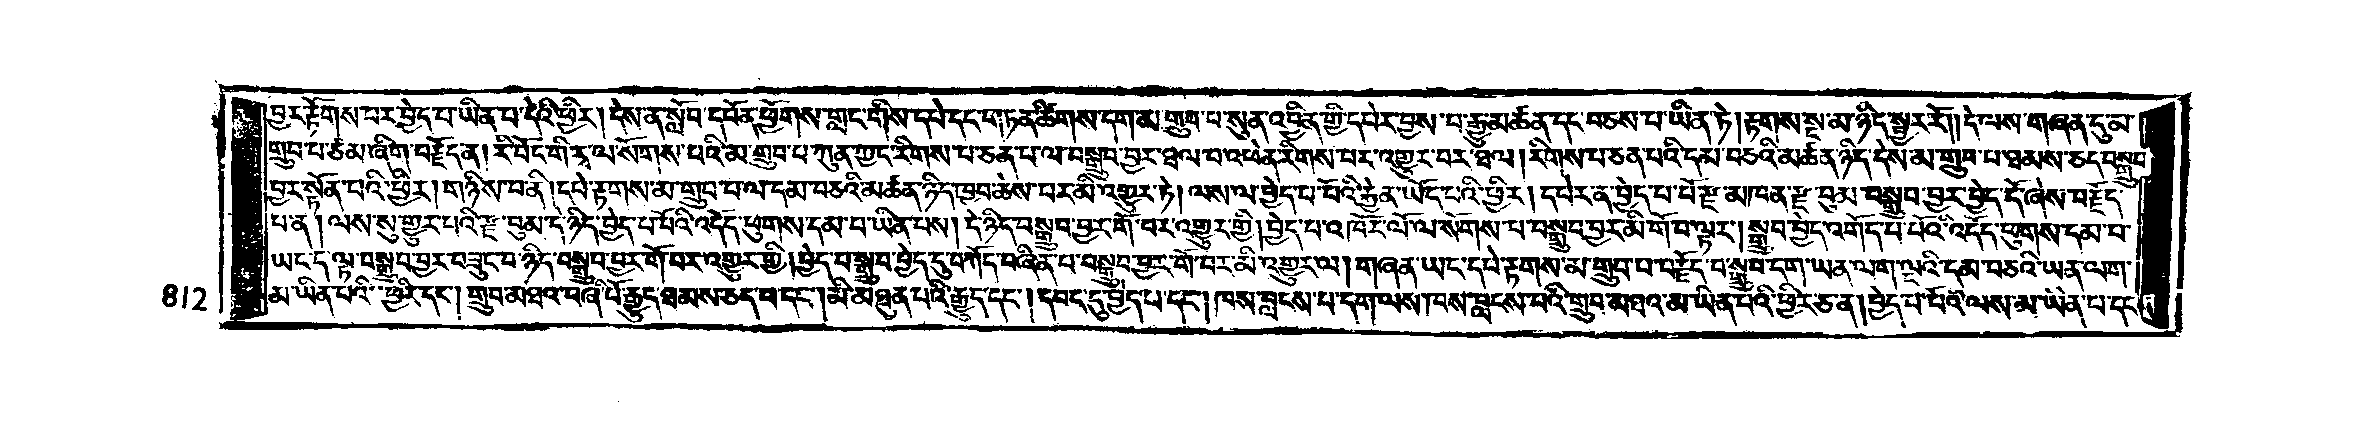བྱར་རྟོགས་པར་བྱེད་པ་ཡིན་པ་དེའི་ཕྱིར། དེས་ན་སློབ་དཔོན་ཕྱོགས་གླང་གིས་དཔེ་དང་གཏན་ཚིགས་དག་མ་གྲུབ་པ་སུན་འབྱིན་གྱི་དཔེར་བྱས་པ་རྒྱུ་མཚན་དང་བཅས་པ་ཡིན་ཏེ། རྟགས་སྔ་མ་ཉིད་སྦྱར་རོ། །དེ་ལས་གཞན་དུ་མ་
གྲུབ་པ་ཙམ་ཞིག་བརྗོད་ན། རི་བོང་གི་རྭ་ལ་སོགས་པའི་མ་གྲུབ་པ་ཀུན་ཀྱང་རིགས་པ་ཅན་པ་ལ་བསྡུ་བ་བྱར་ཐལ་བ་འཕེན་རིགས་པར་འགྱུར་བར་ཐལ། རིགས་པ་ཅན་པའི་དམ་བཅའི་མཚན་ཉིད་དེས་མ་གྲུབ་པ་ཐམས་ཅད་བསྒྲུབ་
བྱར་སྟོན་པའི་ཕྱིར། གཉིས་པ་ནི། དཔེ་རྟགས་མ་གྲུབ་པ་ལ་དམ་བཅའི་མཚན་ཉིད་ཁྱབ་ཆེས་པར་མི་འགྱུར་ཏེ། ལས་ལ་བྱེད་པ་པོའི་རྐྱེན་ཡོད་པའི་ཕྱིར། དཔེར་ན་བྱེད་པ་པོ་རྫ་མཁན་རྫ་བུམ་བསྒྲུབ་བྱར་བྱེད་དོ་ཞེས་བརྗོད་
པ་ན། ལས་སུ་གྱུར་པའི་རྫ་བུམ་དེ་ཉིད་བྱེད་པ་པོའི་འདོད་ཕུགས་དམ་པ་ཡིན་པས། དེ་ཉིད་བསྒྲུབ་བྱར་གོ་བར་འགྱུར་གྱི། བྱེད་པ་འཁོར་ལོ་ལ་སོགས་པ་བསྒྲུབ་བྱར་མི་གོ་བ་ལྟར། སྒྲུབ་བྱེད་འགོད་པ་པོའི་འདོད་ཕུགས་དམ་པ་
ཡང་ད་ལྟ་བསྒྲུབ་བྱར་བཟུང་བ་ཉིད་བསྒྲུབ་བྱར་གོ་བར་འགྱུར་གྱི། བྱེད་པ་སྒྲུབ་བྱེད་དུ་བཀོད་བཞིན་པ་བསྒྲུབ་བྱར་གོ་བར་མི་འགྱུར་ལ། གཞན་ཡང་དཔེ་རྟགས་མ་གྲུབ་པ་བརྗོད་པ་སྒྲུབ་དག་ཡན་ལག་ལྔའི་དམ་བཅའི་ཡན་ལག་
མ་ཡིན་པའི་ཕྱིར་དང་། གྲུབ་མཐའ་བཞི་པོ་རྒྱུད་ཐམས་ཅད་པ་བང་?་། མི་མཐུན་པའི་རྒྱུད་དང་། དབང་དུ་བྱེད་པ་དང་། ཁས་བླངས་པ་དག་ལས་ཁས་བླངས་པའི་གྲུབ་མཐའ་མ་ཡིན་པའི་ཕྱིར་ཅེ་ན། བྱེད་པ་པོའི་ལས་མ་ཡིན་པ་དང་